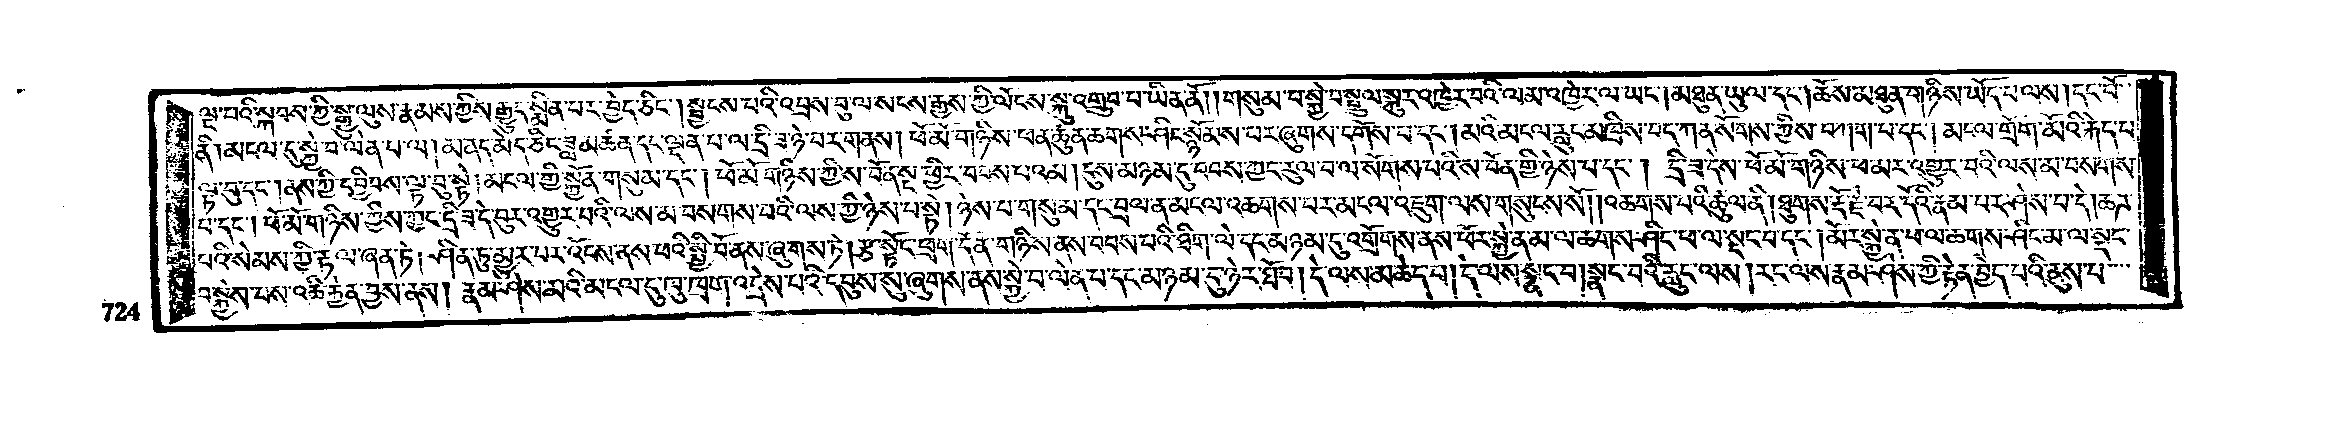ལྔ་པའི་སྐབས་ཀྱི་སྒྱུ་ལུས་རྣམས་ཀྱིས་རྒྱུད་སྨིན་པར་བྱེད་ཅིང་། སྦྱངས་པའི་འབྲས་བུ་ལ་སངས་རྒྱས་ཀྱི་ལོངས་སྐུ་འགྲུབ་པ་ཡིན་ནོ། །གསུམ་པ་སྐྱེ་བ་སྤྲུལ་སྐུར་འཁྱེར་བའི་ལམ་འཁྱེར་ལ་ཡང་། མཐུན་ཡུལ་དང་། ཆོས་མཐུན་གཉིས་ཡོད་པ་ལས། དང་པོ་
ནི། མངལ་དུ་སྐྱེ་བ་ལེན་པ་ལ། མ་ནད་མེད་ཅིང་ཟླ་མཚན་དང་ལྡན་པ་ལ་དྲི་ཟ་ཉེ་བར་གནས། ཕོ་མོ་གཉིས་ཕན་ཚུན་ཆགས་ཤིང་སྙོམས་པར་ཞུགས་དགོས་པ་དང་། མའི་མངལ་རླུང་མཁྲིས་བད་ཀ་ན་སོགས་ཀྱིས་བཀག་པ་དང་། མངལ་གྲོག་མོའི་རྐེད་པ་
ལྟ་བུ་དང་། ནས་ཀྱི་དབྱིབས་ལྟ་བུ་སྟེ། མངལ་གྱི་སྐྱོན་གསུམ་དང་། ཕོ་མོ་གཉིས་ཀྱི་ས་བོན་སྔ་ཕྱིར་བབས་པའམ། དུས་མཉམ་དུ་བབས་ཀྱང་རུལ་བ་ལ་སོགས་པའི་ས་བོན་གྱི་ཉེས་པ་དང་། དྲི་ཟ་དེས་ཕོ་མོ་གཉིས་ཕ་མར་འགྱུར་བའི་ལས་མ་བསགས་
པ་དང་། ཕོ་མོ་གཉིས་ཀྱིས་ཀྱང་དྲི་ཟ་དེ་བུར་འགྱུར་བའི་ལས་མ་བསགས་པའི་ལས་ཀྱི་ཉེས་པ་སྟེ། ཉེས་པ་གསུམ་དང་བྲལ་ན་མངལ་འཆགས་པར་མངལ་འཇུག་ལས་གསུངས་སོ། །འཆགས་པའི་ཚུལ་ནི། ཐུགས་རྡོ་རྗེ་བར་དོའི་རྣམ་པར་ཤེས་པ་དེ། ཆགས་
པའི་སེམས་ཀྱི་རྟེལ་ཞན་ཏེ། ཤིན་ཏུ་མྱུར་བར་འོངས་ནས་ཕའི་སྤྱི་བོ་ནས་ཞུགས་ཏེ། རྩ་སྟོང་ཕྲག་དོན་གཉིས་ནས་བབས་པའི་ཐིག་ལེ་དང་མཉམ་དུ་འགྲོགས་ནས་ཕོར་སྐྱེ་ན་མ་ལ་ཆགས་ཤིང་ཕ་ལ་སྡང་བ་དང་། མོང་སྐྱེ་ན་ཕ་ལ་ཆགས་ཤིང་མ་ལ་སྡང་
བ་སྐྱེས་པས་འཆི་རྐྱེན་བྱས་ནས། རྣམ་ཤེས་མའི་མངལ་དུ་ཁུ་ཁྲག་འདྲེས་པའི་དབུས་སུ་ཞུགས་ནས་སྐྱེ་བ་ལེན་པ་དང་མཉམ་དུ་ཉེར་ཐོབ། དེ་ལས་མཆེད་པ། དེ་ལས་སྣང་བ། སྣང་བའི་རླུང་ལས། རང་ལས་རྣམ་ཤེས་ཀྱི་རྟེན་བྱེད་པའི་ནུས་པ་